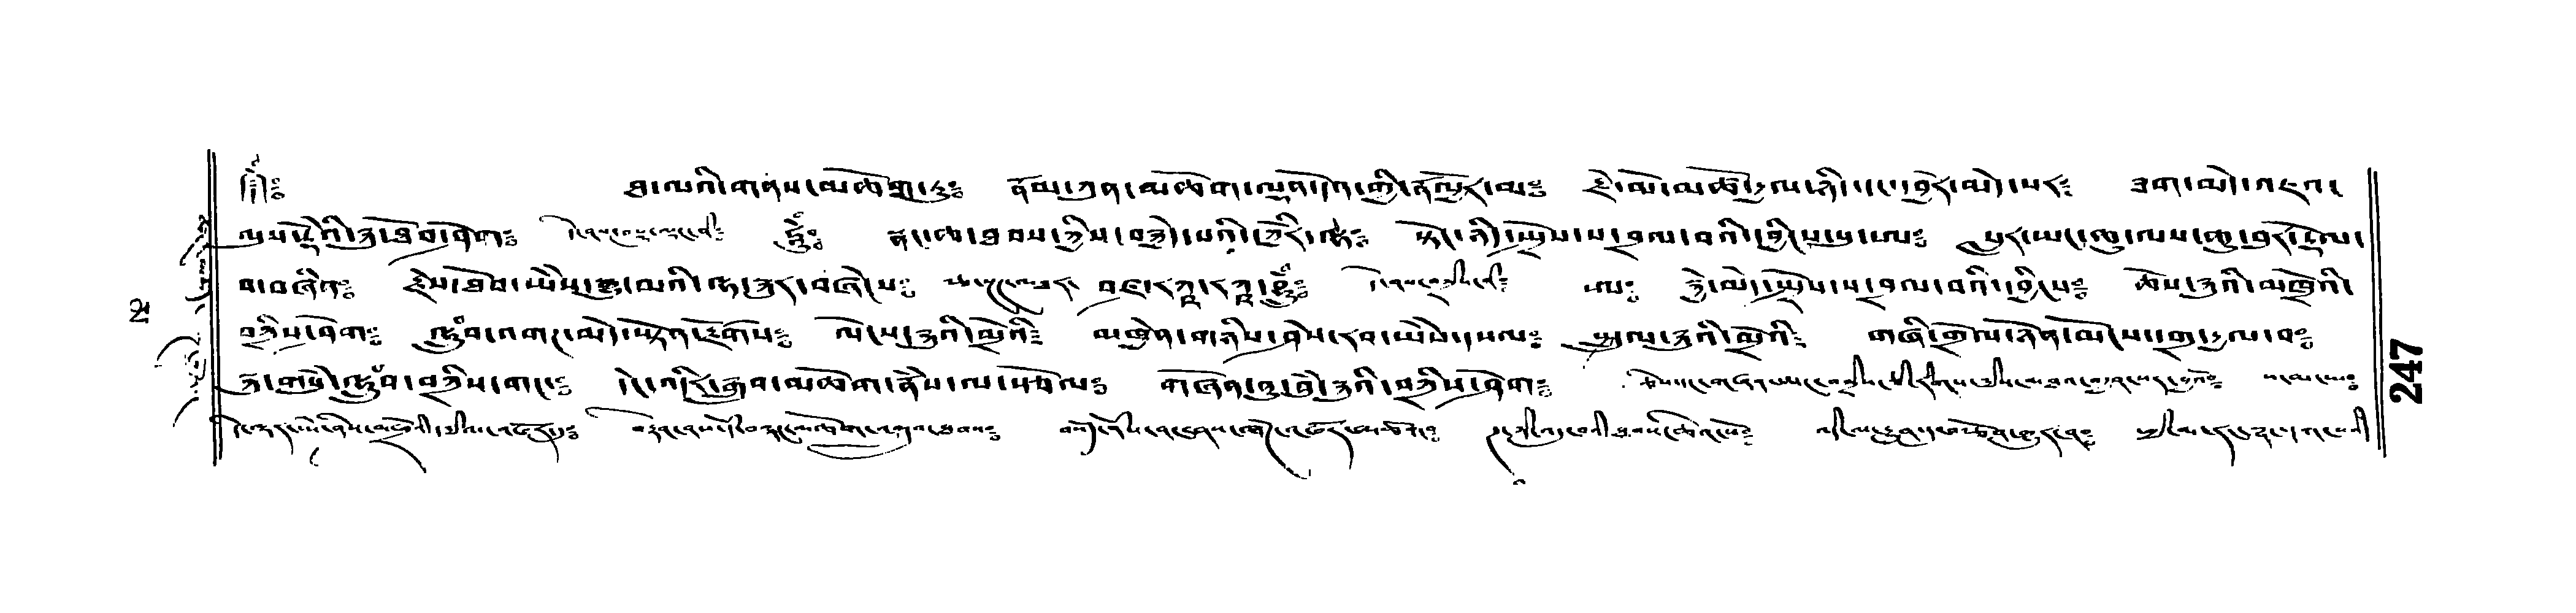ཐ་ལའི་གནས་མཆོག་ཏུ༔ རྣམ་ཀུན་མཆོག་ལྡན་དོན་གྱི་རྣལ་འབྱོར་མ༔ རྗེ་མོ་མཚོ་རྒྱལ་ཉིད་དང་དབྱེར་མེད་པར༔ ཟག་མེད་འཇའ་
ལུས་རྡོ་རྗེའི་སྐུ་ཐོབ་ཤོག༔ དེ་ནས་བསྡུ་ལྡང་ནི༔ ཧཱུྃ༔ སྣང་ཆ་ཐབས་ཀྱིས་བསྐྱེད་པའི་དཀྱིལ་འཁོར་ལྷ༔ སྟོང་ཉིད་སྤྲོས་པ་བྲལ་བའི་དབྱིངས་སུ་ཨཱཿ སླར་ཡང་ཆུ་ལས་ཆུ་བུར་རྡོལ་
བ་བཞིན༔ རྗེས་ཐོབ་ཡེ་ཤེས་སྒྱུ་མའི་ལྷ་སྐུར་བཞེངས༔ རྩ་སྔགས་མཐར༔ བཛྲ་རཀྵ་རཀྵ་བྷྲུྃ༔ དེ་ནས་བཀྲ་ཤིས་ནི༔ཨཱཿ སྐྱེ་མེད་སྤྲོས་པ་བྲལ་བའི་དབྱིངས༔ ཆོས་སྐུའི་མཁའ་འགྲོའི་
བཀྲ་ཤིས་ཤོག༔ ལྷུན་གྲུབ་འགགས་མེད་ཡོན་ཏན་རྫོགས༔ ལོངས་སྐུའི་མཁའ་འགྲོའི༴ མཁྱེན་གཉིས་ཤེས་རབ་ཡེ་ཤེས་དཔལ༔ སྤྲུལ་སྐུའི་མཁའ་འགྲོའི༴ གཞི་གྲོལ་ཉོན་མོངས་དགྲ་རྒྱལ་བ༔ 
སྐུ་གསུམ་ལྷུན་གྲུབ་བཀྲ་ཤིས་གང༔ དེང་འདིར་སྒྲུབ་མཆོག་རྣམས་ལ་སྩོལ༔ གཞོན་ནུ་བུམ་སྐུའི་བཀྲ་ཤིས་ཤོག༔ ཅེས་དང་གཞན་ཡང་བཀྲ་ཤིས་ཅི་རིགས་ཀྱི་མཐའ་བརྒྱན་པར་བྱའོ༔ ས་མ་ཡ༔ 
དེ་ལྟར་ཡེ་ཤེས་མཁའ་འགྲོའི་དཀྱིལ་འཁོར་དུ༔ བརྟེན་ནས་དམ་བསྐང་མཆོག་འགྲུབ་ཐབས༔ བསོད་ནམས་ནང་ནས་ཚོགས་འཁོར་མཆོག༔ ཌཱ་ཀི་འདུ་བའི་ཐབས་ཆེན་པོ༔ འདི་ལ་རྒྱུན་དུ་བརྩོན་གྱུར་ན༔ ཕྱི་མ་རང་སྣང་དག་པའི་